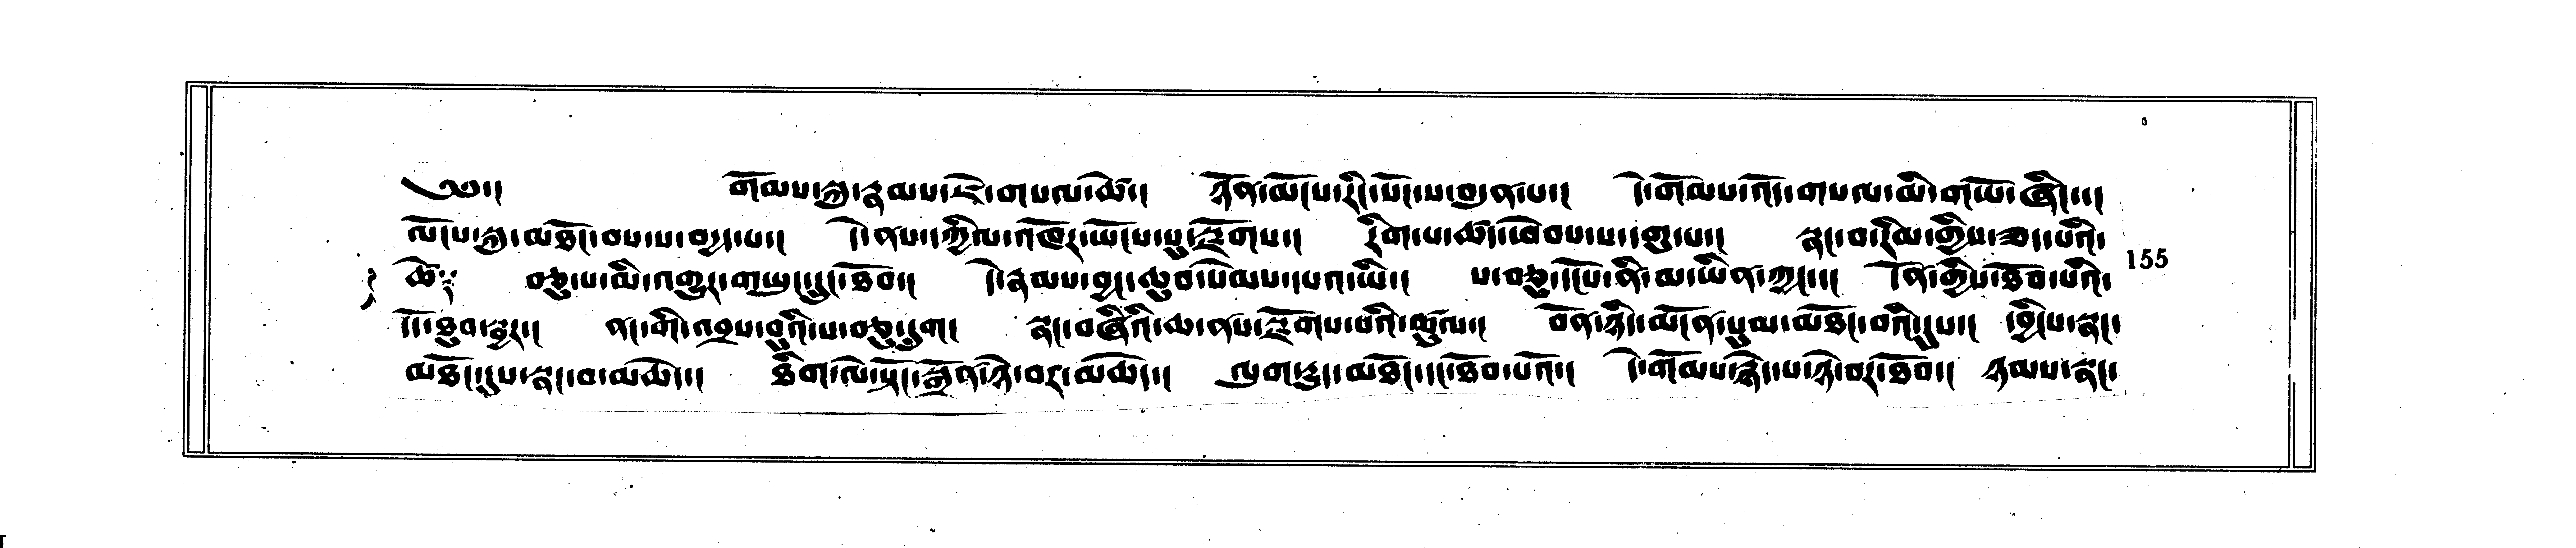གོམས་སྐུ་རྣམས་ཇེ་གསལ་ཚེ། །ཉོན་མོངས་རིང་སོང་ས་བདུན་པ། །དེ་གོམས་འོད་གསལ་མི་གཡོ་ཞིང་། །
ལོངས་སྐུ་མཐོང་བས་ས་བརྒྱད་པ། །དེ་ནས་དཀྱིལ་འཁོར་ཡོངས་སུ་རྫོགས། །རིག་པ་ཚད་ཕཻབས་ས་དགུ་པ། །སྣང་བ་རིམ་གྱིས་ཟད་པའི་
ཚེ། །བཅུ་པ་མི་འགྱུར་གཡུང་དྲུང་ཐོབ། །དེ་རྣམས་བྱང་ཆུབ་སེམས་དཔའ་ཡི། །ས་བཅུ་དངོས་ནི་མ་ཡིན་ཀྱང་། །དོན་གྱིས་ཐོབ་པའི་
དོད་ཐུབ་སྦྱར། །ནང་གི་འབྲས་བུའི་ས་བཅུ་དྲུག །སྣང་བཞིའི་ཆ་ནས་རྫོགས་པའི་ཚུལ། །བོན་ཉིད་མངོན་སུམ་མཐོང་བའི་དུས། །དབྱིངས་སྣང་
མཐོང་དུས་སྣང་བ་མཆེད། །ཐིག་ལེ་སྟོང་སྒྲོན་ཉེ་བར་མཆེད། །ལུག་རྒྱུད་མཐོང་དང་ཐོབ་པའོ། །དེ་གོམ་རྙེད་པ་ཉེ་བར་ཐོབ། །ཉམས་སྣང་